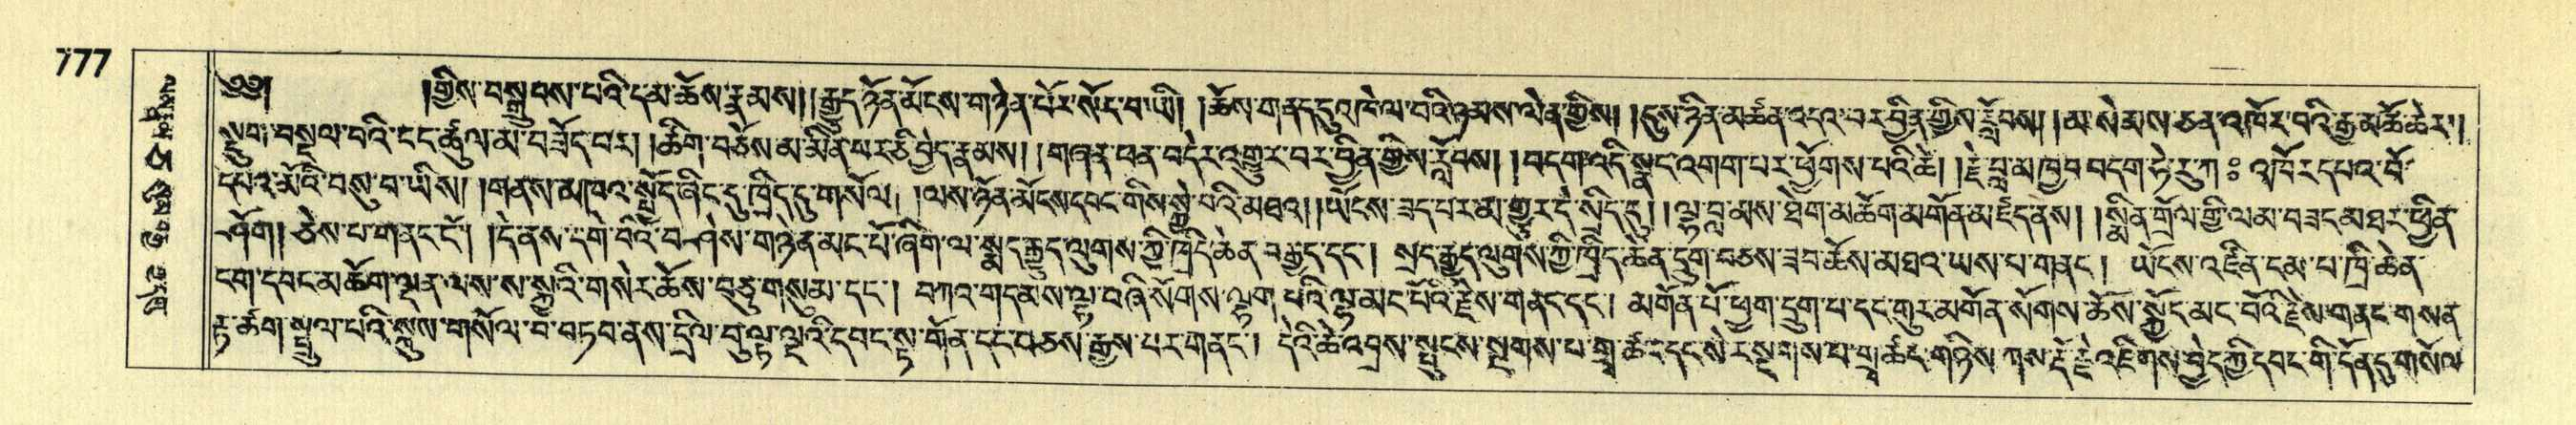༄༅། །གྱིས་བསྒྲུབས་པའི་དམ་ཆོས་རྣམས། །རྒྱུད་ཉོན་མོངས་གཉེན་པོར་སོང་བ་ཡི། །ཆོས་གནད་དུ་འཁེལ་བའི་ཉམས་ལེན་གྱིས། །དུས་ཉིན་མཚན་འདའ་བར་བྱིན་གྱིས་རློབས། །མ་སེམས་ཅན་འཁོར་བའི་རྒྱ་མཚོ་ཆེར།
སྡུག་བསྔལ་བའི་ངང་ཚུལ་མ་བཟོད་བར། །ཚིག་བཅོས་མ་མིན་པར་ཅི་བྱེད་རྣམས། །གཞན་ཕན་བདེར་འགྱུར་བར་བྱིན་གྱིས་རློབས། །བདག་འདི་སྣང་འགག་པར་ཕྱོགས་པའི་ཚེ། །རྗེ་བླ་མ་ཁྱབ་བདག་ཧེ་རུ་ཀཿ འཁོར་དཔའ་བོ་
དཔའ་མོའི་བསུ་བ་ཡིས། །གནས་མཁའ་སྤྱོད་ཞིང་དུ་ཁྲིད་དུ་གསོལ། །ལས་ཉོན་མོངས་དབང་གིས་སྐྱེ་བའི་མཐའ། །ཡོངས་ཟད་པར་མ་གྱུར་དེ་སྲིད་དུ། །ལྷ་བླ་མས་ཐེག་མཆོག་མགོན་མཛད་ནས། །སྨིན་གྲོལ་གྱི་ལམ་བཟང་མཐར་ཕྱིན་
ཤོག། ཅེས་པ་གནང་ངོ། །དེ་ནས་དགེ་བའི་བཤེས་གཉེན་མང་པོ་ཞིག་ལ་སྨད་རྒྱུད་ལུགས་ཀྱི་ཁྲིད་ཆེན་བརྒྱད་དང་། སྲད་རྒྱུད་ལུགས་ཀྱི་ཁྲིད་ཆེན་དྲུག་བཅས་ཟབ་ཆོས་མཐའ་ཡས་པ་གནང་། ཡོངས་འཛིན་དམ་པ་ཁྲི་ཆེན་
ངག་དབང་མཆོག་ལྡན་ལས་ས་སྐྱའི་གསེར་ཆོས་བཅུ་གསུམ་དང་། བཀའ་གདམས་ལྷ་བཞི་སོགས་ལྷག་པའི་ལྷ་མང་པོའི་རྗེས་གནང་དང་། མགོན་པོ་ཕྱག་དྲུག་པ་དང་གུར་མགོན་སོགས་ཆོས་སྐྱོང་མང་བོའི་རྗེས་གནང་གསན་
རྟ་ཚག་སྤྲུལ་པའི་སྐུས་གསོལ་བ་བཏབ་ནས་དྲིལ་བུ་ལྟ་ལྔའི་དབང་སྟ་གོན་དང་བཅས་རྒྱས་པར་གནང་། དེའི་ཆེ་འབྲས་སྤུངས་སྔགས་པ་གྲྭ་ཚང་དང་སེར་སྔགས་པ་གྲྭ་ཚང་གཉིས་ཀས་རྡོ་རྗེ་འཇིགས་བྱེད་ཀྱི་དབང་གི་དོན་དུ་གསོལ་